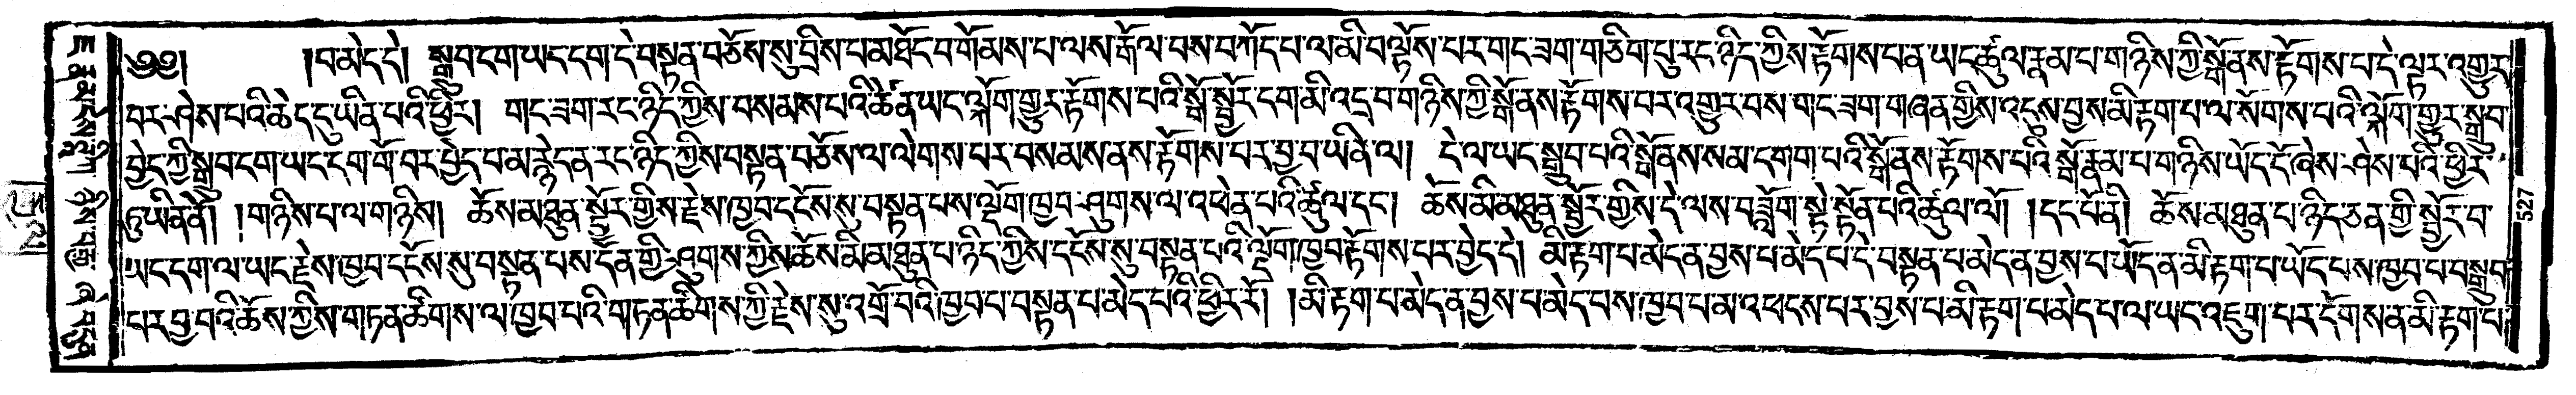༄༅། །བ་མེད་དེ། སྒྲུབ་ངག་ཡང་དག་དེ་བསྟན་བཅོས་སུ་བྲིས་པ་མཐོང་བ་གོམས་པ་ལས་རྒོལ་བས་བཀོད་པ་ལ་མི་བལྟོས་པར་གང་ཟག་གཅིག་པུ་རང་ཉིད་ཀྱིས་རྟོགས་པ་ན་ཡང་ཚུལ་རྣམ་པ་གཉིས་ཀྱི་སྒོ་ནས་རྟོགས་པ་དེ་ལྟར་འགྱུར་
བར་ཤེས་པའི་ཆེད་དུ་ཡིན་པའི་ཕྱིར། གང་ཟག་རང་ཉིད་ཀྱིས་བསམས་པའི་ཚེ་ན་ཡང་ལྐོག་གྱུར་རྟོགས་པའི་སྒོ་སྦྱོར་ངག་མི་འདྲ་བ་གཉིས་ཀྱི་སྒོ་ནས་རྟོགས་པར་འགྱུར་བས་གང་ཟག་གཞན་གྱིས་འདུས་བྱས་མི་རྟག་པ་ལ་སོགས་པའི་ལྐོག་གྱུར་སྒྲུབ་
བྱེད་ཀྱི་སྒྲུབ་ངག་ཡང་དག་གོ་བར་བྱེད་པ་མ་རྙེད་ན་རང་ཉིད་ཀྱིས་བསྟན་བཅོས་ལ་ལེགས་པར་བསམས་ནས་རྟོགས་པར་བྱ་བ་ཡིན་ལ། དེ་ལ་ཡང་སྒྲུབ་པའི་སྒོ་ནས་སམ་དགག་པའི་སྒོ་ནས་རྟོགས་པའི་སྒོ་རྣམ་པ་གཉིས་ཡོད་དོ་ཞེས་ཤེས་པའི་ཕྱིར་
ཏུ་ཡིན་ནོ། །གཉིས་པ་ལ་གཉིས། ཆོས་མཐུན་སྦྱོར་གྱིས་རྗེས་ཁྱབ་དངོས་སུ་བསྟན་པས་ལྡོག་ཁྱབ་ཤུགས་ལ་འཕེན་པའི་ཚུལ་དང་། ཆོས་མི་མཐུན་སྦྱོར་གྱིས་དེ་ལས་བཟློག་སྟེ་སྟོན་པའི་ཚུལ་ལོ། །དང་པོ་ནི། ཆོས་མཐུན་པ་ཉིད་ཅན་གྱི་སྦྱོར་བ་
ཡང་དག་ལ་ཡང་རྗེས་ཁྱབ་དངོས་སུ་བསྟན་པས་དོན་གྱི་ཤུགས་ཀྱིས་ཆོས་མི་མཐུན་པ་ཉིད་ཀྱིས་དངོས་སུ་བསྟན་པའི་ལྡོག་ཁྱབ་རྟོགས་པར་བྱེད་དེ། མི་རྟག་པ་མེད་ན་བྱས་པ་མེད་པ་དེ་བསྟན་པ་མེད་ན་བྱས་པ་ཡོད་ན་མི་རྟག་པ་ཡོད་པས་ཁྱབ་པ་བསྒྲུབ་
པར་བྱ་བའི་ཆོས་ཀྱིས་གཏན་ཚིགས་ལ་ཁྱབ་པའི་གཏན་ཚིགས་ཀྱི་རྗེས་སུ་འགྲོ་བའི་ཁྱབ་པ་བསྟན་པ་མེད་པའི་ཕྱིར་རོ། །མི་རྟག་པ་མེད་ན་བྱས་པ་མེད་པས་ཁྱབ་པ་མ་འཕངས་པར་བྱས་པ་མི་རྟག་པ་མེད་པ་ལ་ཡང་འཇུག་པར་དོགས་ན་མི་རྟག་པ་